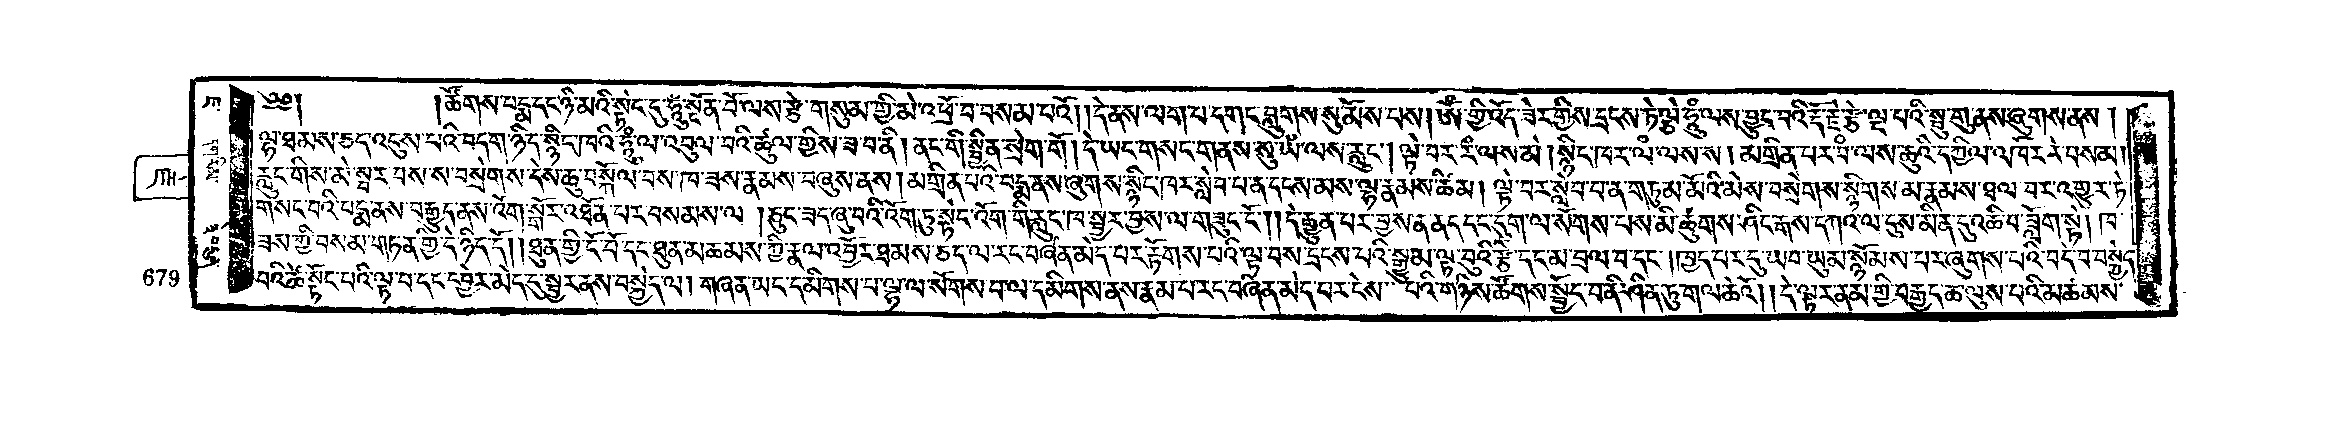༄༅། །ཚོགས་པདམ་དང་ཉི་མའི་སྟེང་དུ་ཧཱུཾ་སྔོན་པོ་ལས་རྩེ་གསུམ་གྱི་མེ་འཕྲོ་བ་བསམ་པའོ། །དེ་ནས་ལག་པ་དགང་བླུགས་སུ་མོས་པས། ཨོཾ་གྱི་འོད་ཟེར་གྱིས་དྲངས་ཏེ་ལྕེ་ཧཱུཾ་ལས་བྱུང་བའི་རྡོ་རྗེ་རྩེ་ལྔ་པའི་སྦུ་གུ་ནས་ཞུགས་ནས།
ལྷ་ཐམས་ཅད་འདུས་པའི་བདག་ཉིད་སྙིང་ཁའི་ཧཱུཾ་ལ་འབུལ་བའི་ཚུལ་གྱིས་ཟ་བ་ནི། ནང་གི་སྦྱིན་སྲེག་གོ །དེ་ཡང་གསང་གནས་སུ་ཡཾ་ལས་རླུང་། ལྟེ་བར་རཾ་ལས་མེ། སྙིང་ཁར་ལཾ་ལས་ས། མགྲིན་པར་བཾ་ལས་ཆུའི་དཀྱིལ་འཁོར་རེ་བསམ།
རླུང་གིས་མེ་སྦར་བས་ས་བསྲེགས་དེས་ཆུ་བསྐོལ་བས་ཁ་ཟས་རྣམས་བཞུས་ནས། མགྲིན་པའི་པདམ་ནས་ཞུགས་སྙིང་ཁར་སླེབ་པ་ན་དངས་མས་ལྷ་རྣམས་ཚིམ། ལྟེ་བར་སླེབ་པ་ན་གཏུམ་མོའི་མེས་བསྲེགས་སྙིགས་མ་རྣམས་ཐལ་བར་འགྱུར་ཏེ་
གསང་བའི་པདམ་ནས་བརྒྱུད་ནས་འོག་སྒོར་འཐོན་པར་བསམས་ལ་།ཅུང་ཟད་ཞུ་བའི་འོག་ཏུ་སྟེང་འོག་གི་རླུང་ཁ་སྦྱར་བྱས་ལ་གཟུང་ངོ། །དེ་རྒྱུན་པར་བྱས་ན་ནད་དང་དུག་ལ་སོགས་པས་མི་ཚུགས་ཤིང་རྒས་དཀའ་ལ་དུས་མིན་དུ་འཆི་བ་ཟློག་སྟེ། ཁ་
ཟས་ཀྱི་བསམ་གཏན་གྱི་དེ་ཉིད་དོ། །ཐུན་གྱི་ངོ་བོ་དང་ཐུན་མཚམས་ཀྱི་རྣལ་འབྱོར་ཐམས་ཅད་ལ་རང་བཞིན་མེད་པར་རྟོགས་པའི་ལྟ་བས་དྲངས་པའི་སྒྱུ་མ་ལྟ་བུའི་རྩི་དང་མ་བྲལ་བ་དང་། ཁྱད་པར་དུ་ཡབ་ཡུམ་སྙོམས་པར་ཞུགས་པའི་བདེ་བ་བསྐྱེད་
བའི་ཚེ་སྟོང་པའི་ལྟ་བ་དང་དབྱེར་མེད་དུ་སྦྱར་ནས་བསྐྱེད་ལ། གཞན་ཡང་དམིགས་པ་ལྷ་ལ་སོགས་པ་ལ་དམིགས་ནས་རྣམ་པ་རང་བཞིན་མེད་པར་ངེས་པའི་གཉིས་ཚོགས་སྦྱོང་བ་ནི་ཤིན་ཏུ་གལ་ཆེའོ། །དེ་ལྟར་ནམ་གྱི་བརྒྱད་ཆ་ལུས་པའི་མཚམས་